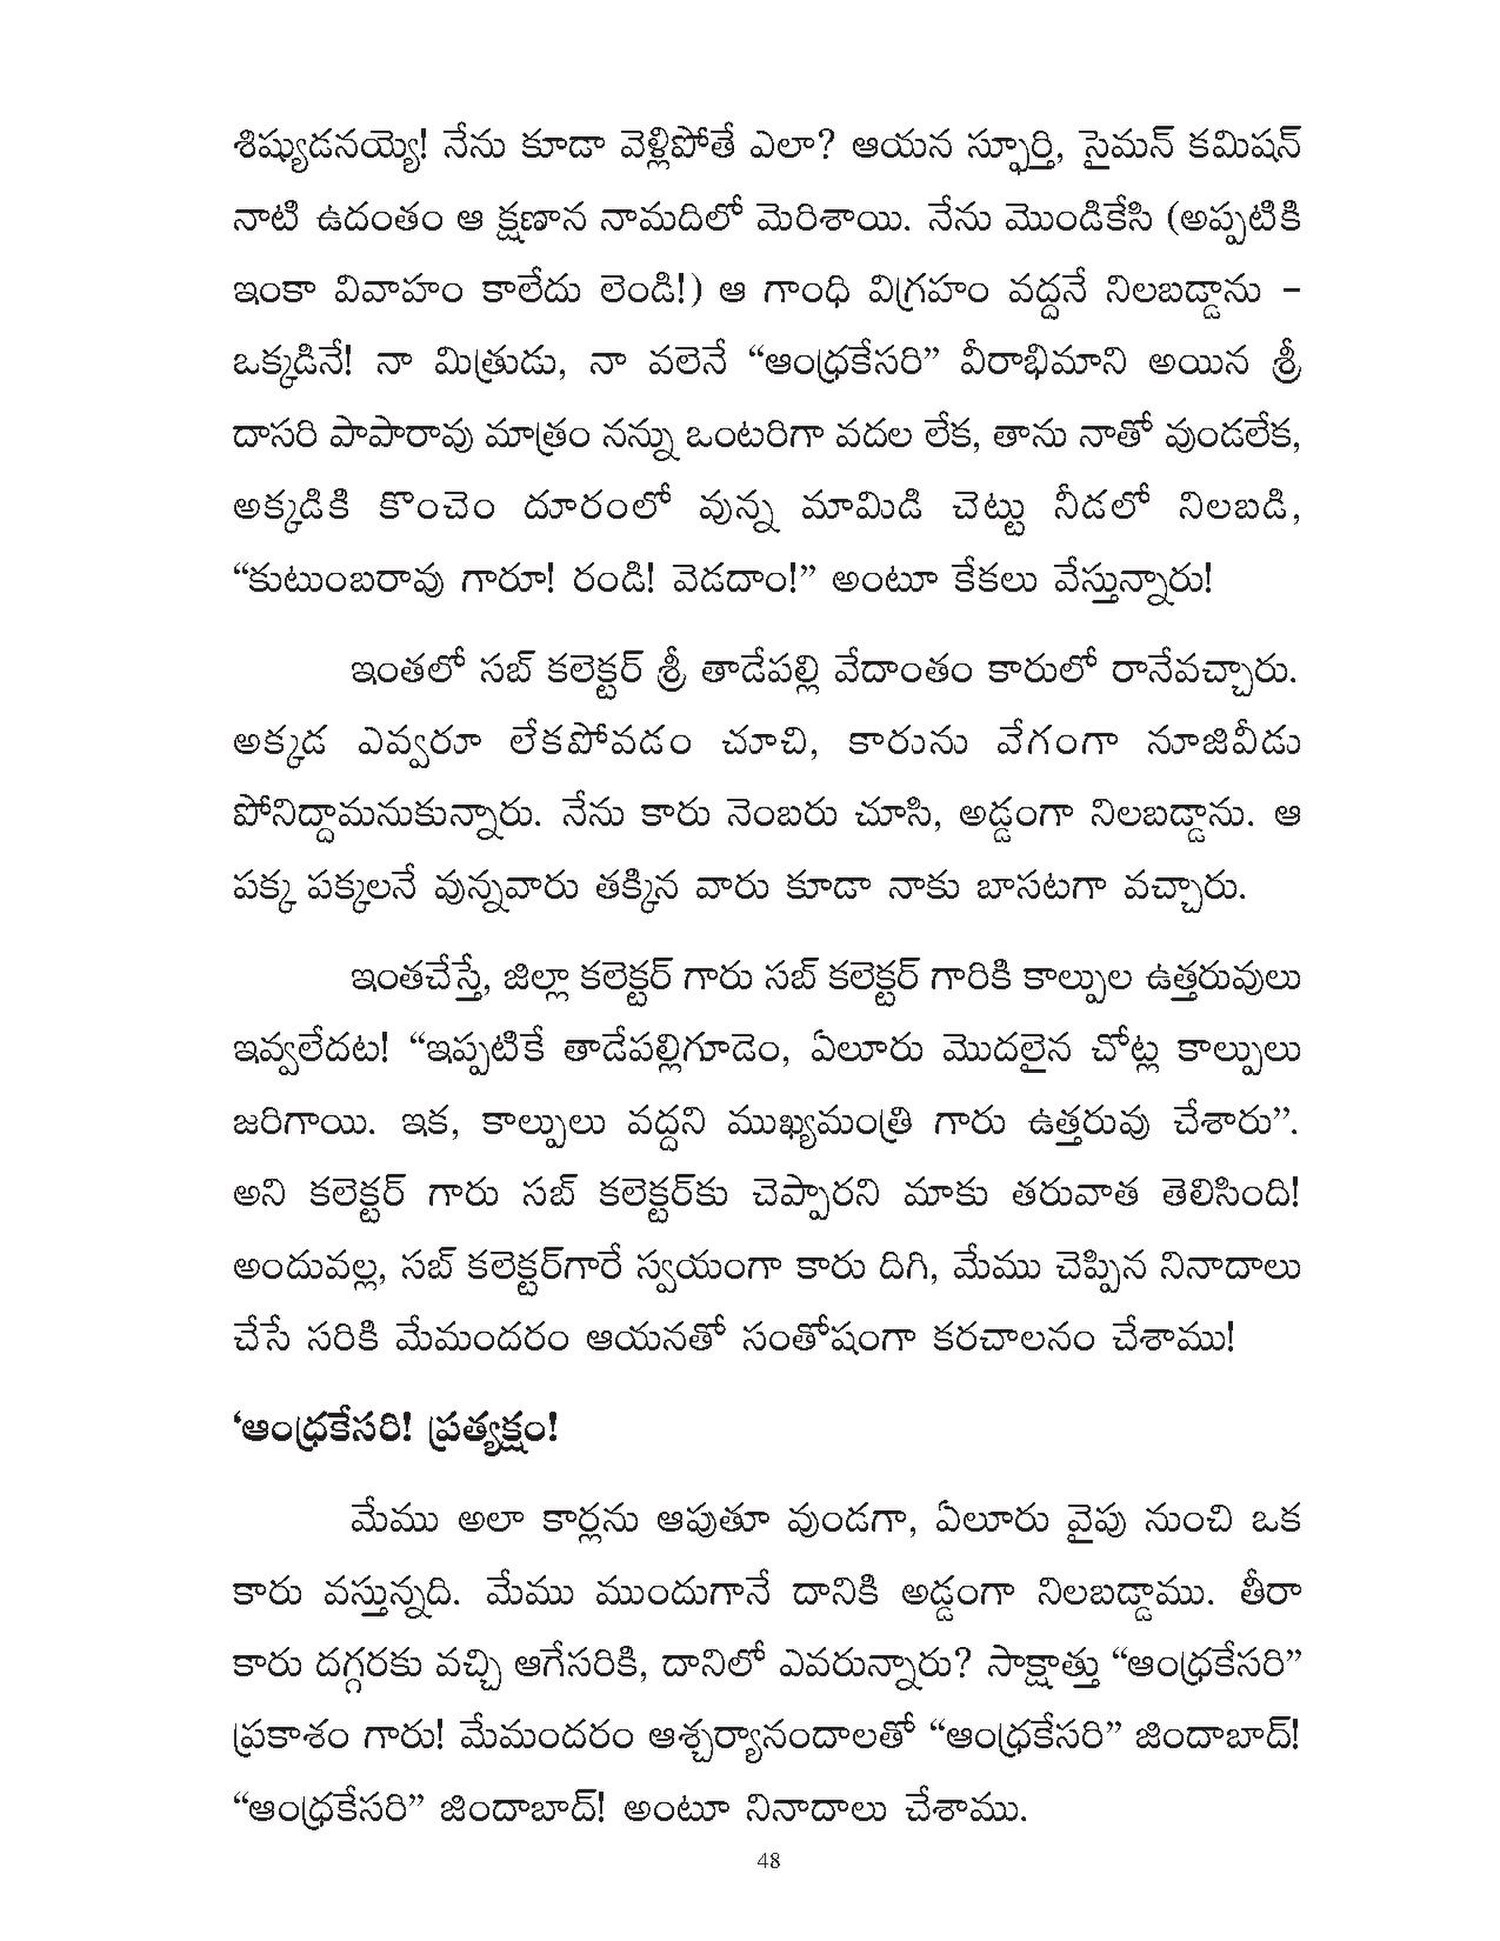శిష్యుడనయ్యె! నేను కూడా వెళ్లిపోతే ఎలా? ఆయన స్పూర్తి, సైమన్‌ కమిషన్‌
నాటి ఉదంతం ఆ క్షణాన నామదిలో మెరిశాయి. నేను మొండికేసి (అప్పటికి
ఇంకా వివాహం కాలేదు లెండి!) ఆ గాంధి విగ్రహం వద్దనే నిలబడ్డాను -
ఒక్కడినే! నా మిత్రుడు, నా వలెనే "ఆంధ్రకేసరి" వీరాభిమాని అయిన శ్రీ
దాసరి పాపారావు మాత్రం నన్ను ఒంటరిగా వదల లేక, తాను నాతో వుండలేక,
అక్కడికి కొంచెం దూరంలో వున్న మామిడి చెట్టు నీడలో నిలబడి,
"కుటుంబరావు గారూ! రండి! వెదాం!" అంటూ కేకలు వేస్తున్నారు!

ఇంతలో సబ్‌ కలెక్టర్‌ శ్రీ తాడేపల్లి వేదాంతం కారులో రానేవచ్చారు.
అక్కడ ఎవ్వరూ లేకపోవడం చూచి, కారును వేగంగా నూజివీడు
పోనిద్దామనుకున్నారు. నేను కారు నెంబరు చూసి, అడ్డంగా నిలబడ్డాను. ఆ
పక్క పక్కలనే వున్నవారు తక్కిన వారు కూడా నాకు బాసటగా వచ్చారు.

ఇంతచేస్తే, జిల్లా కలెక్టర్‌ గారు సబ్‌ కలెక్టర్‌ గారికి కాల్పుల ఉత్తరువులు
ఇవ్వలేదట! "ఇప్పటికే తాడేపల్లిగూడెం, ఏలూరు మొదలైన చోట్ల కాల్పులు
జరిగాయి. ఇక, కాల్పులు వద్దని ముఖ్యమంత్రి గారు ఉత్తరువు చేశారు".
అని కలెక్టర్‌ గారు సబ్‌ కలెక్టర్‌కు చెప్పారని మాకు తరువాత తెలిసింది!
అందువల్ల, సబ్‌ కలెక్టర్‌గారే స్వయంగా కారు దిగి, మేము చెప్పిన నినాదాలు
చేసే సరికి మేమందరం ఆయనతో సంతోషంగా కరచాలనం చేశాము!

'ఆంధ్రకేసరి! ప్రత్యక్షం!

మేము అలా కార్లను ఆపుతూ వుండగా, ఏలూరు వైపు నుంచి ఒక
కారు వస్తున్నది. మేము ముందుగానే దానికి అడ్డంగా నిలబడ్డము. తీరా
కారు దగ్గరకు వచ్చి ఆగేసరికి, దానిలో ఎవరున్నారు? సాక్షాత్తు "ఆంధ్రకేసరి"
ప్రకాశం గారు! మేమందరం ఆశ్చర్యానందాలతో "ఆంధ్రకేసరి" జిందాబాద్‌!
"ఆంధ్రకేసరి" జిందాబాద్‌! అంటూ నినాదాలు చేశాము.